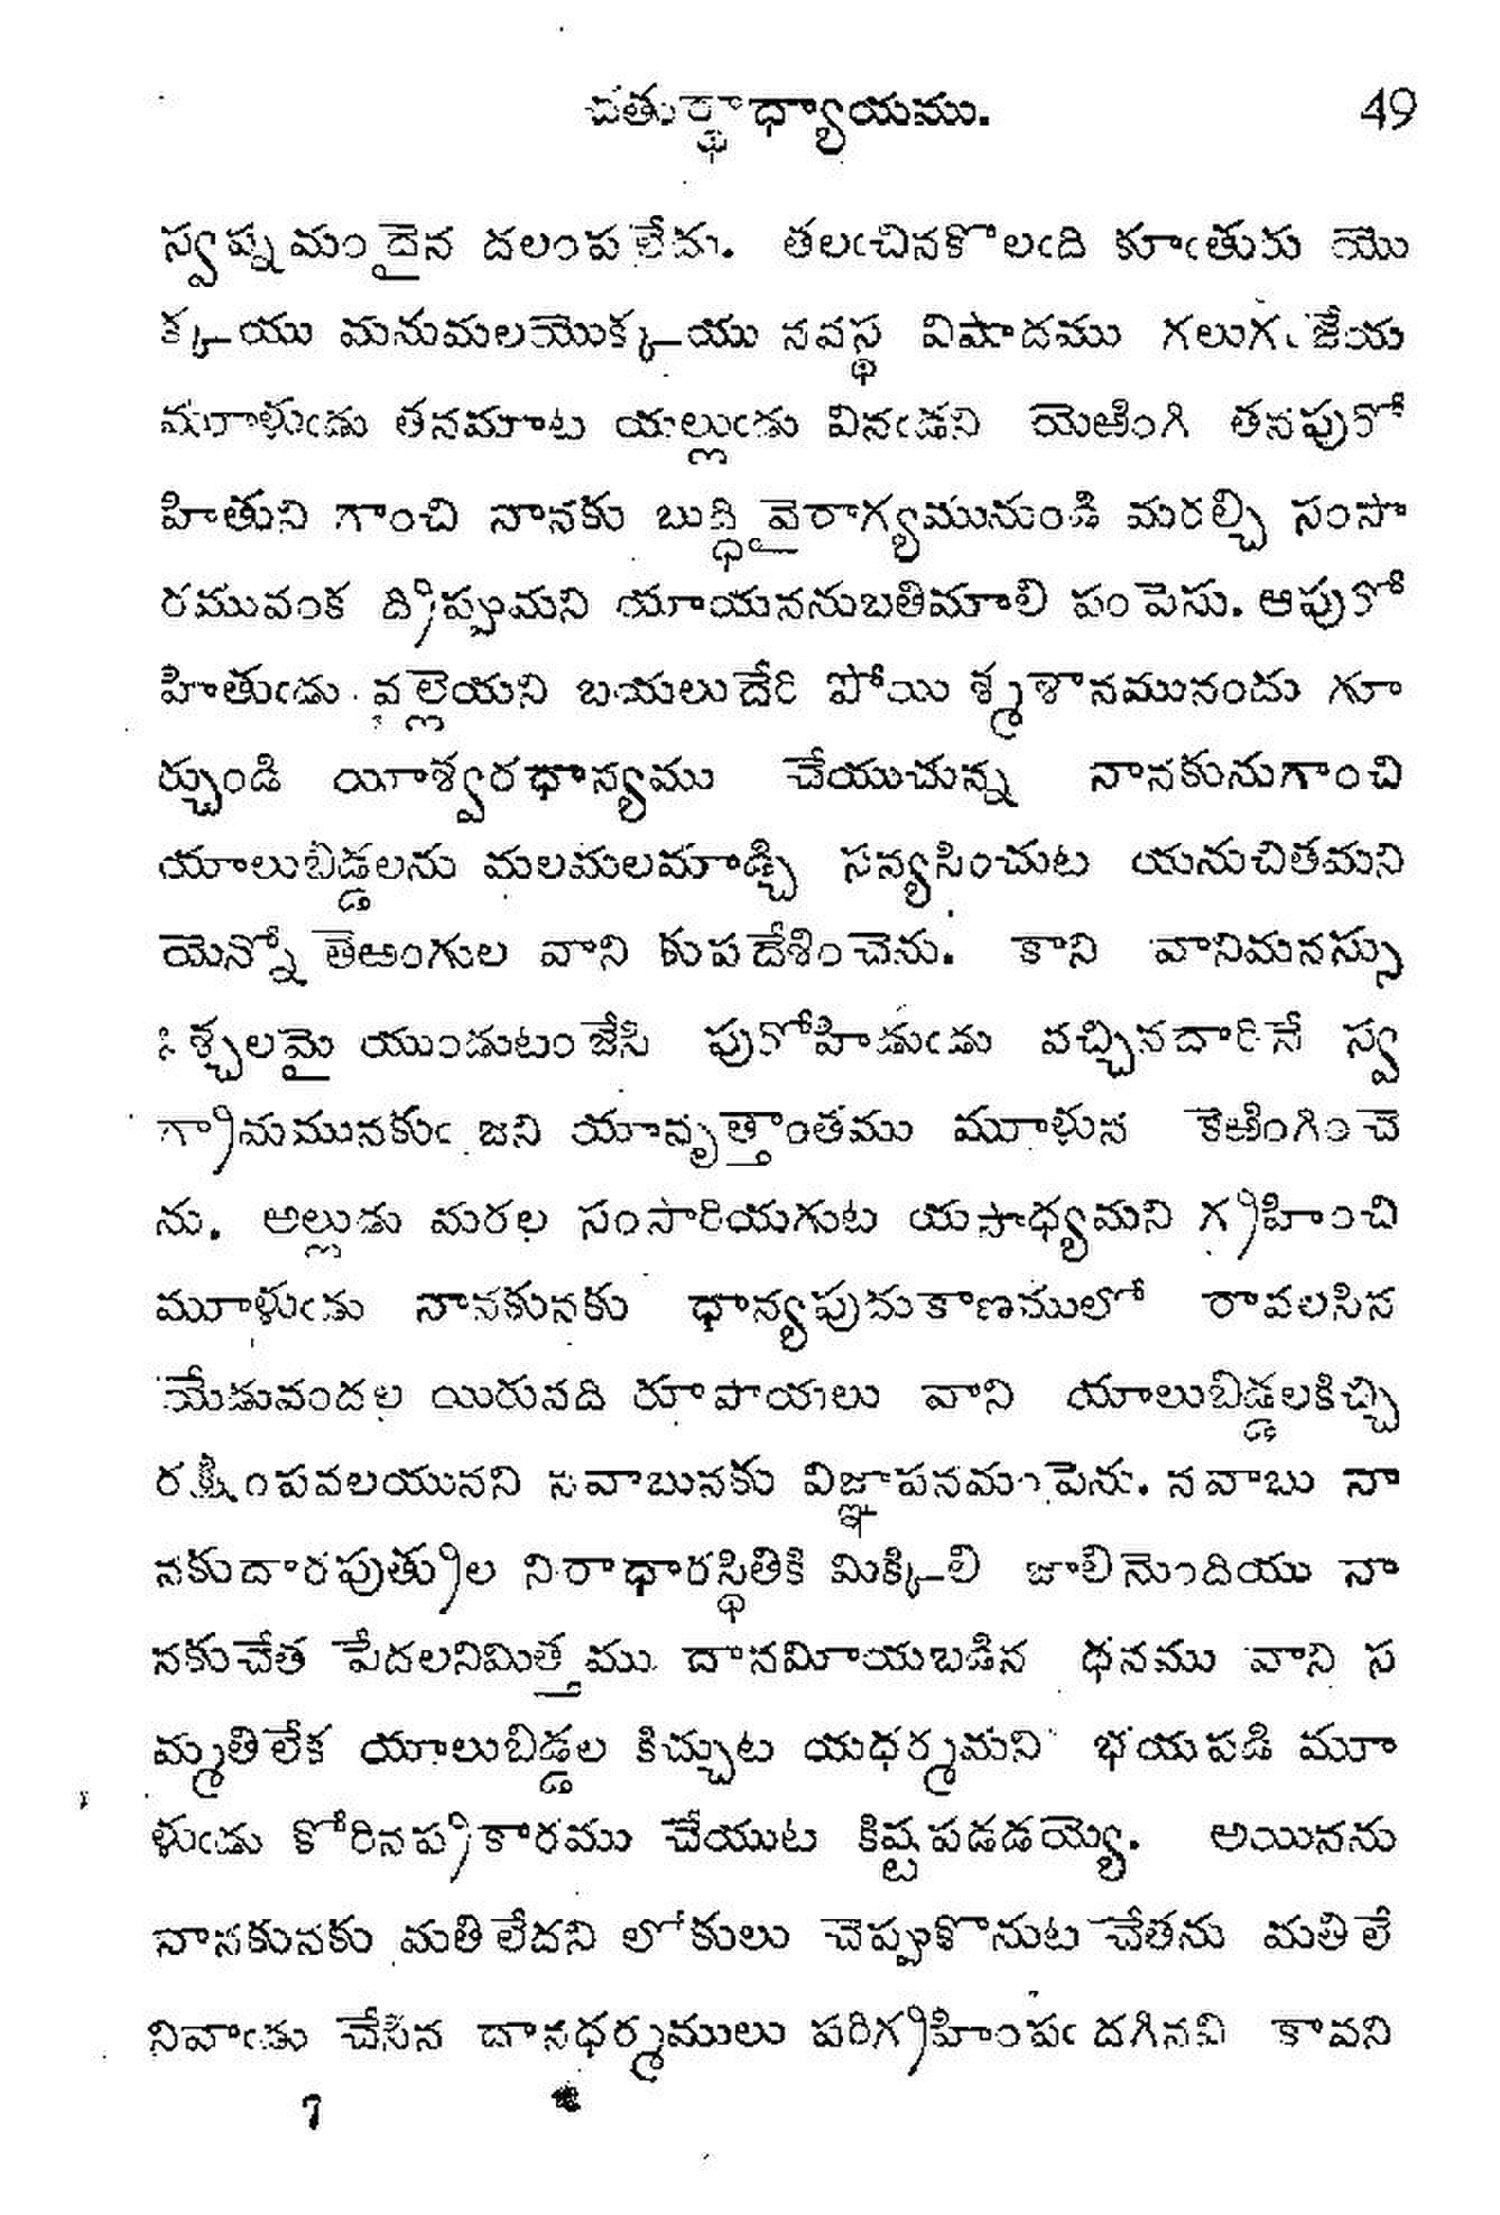స్వప్నమందైన దలంపలేదు. తలచినకొలది కూతురు యొక్కయు మనుమలయొక్కయు నవస్థ విషాదము గలుగ జేయ మూళుడు తనమాట యల్లుడు వినడని యెఱింగి తనపురోహితుని గాంచి నానకు బుద్ధివైరాగ్యమునుండి మరల్చి సంసారమవంక ద్రిప్పుమని యాయననుబతిమాలి పంపెను. ఆపురోహితుడు వల్లెయని బయలుదేరి పోయి శ్మశానమునందు గూర్చుండి యీశ్వరధ్యానము చేయుచున్న నానకునుగాంచి యాలుబిడ్డలను మలమలమాడ్చి సన్యసించుట యనుచితమని యెన్నో తెఱంగుల వాని కుపదేశించెను. కాని వానిమనస్సు నిశ్చలమై యుండుటంజేసి పురోహితుడు వచ్చినదారినే స్వగ్రామమునకు జని యావృత్తాంతము మూళున కెఱింగించెను. అల్లుడు మరల సంసారియగుట యసాధ్యమని గ్రహించి మూళుడు నానకునకు ధాన్యపుదుకాణములో రావలసిన యేడువందల యిరువది రూపాయలు వాని యాలుబిడ్డలకిచ్చి రక్షింపవలయునని నవాబునకు విజ్ఞాపనమంపెను. నవాబు నానకుదారపుత్రుల నిరాధారస్థితికి మిక్కిలి జాలినొందియు నానకుచేత పేదలనిమిత్తము దానమీయబడిన ధనము వాని సమ్మతిలేక యాలుబిడ్డల కిచ్చుట యధర్మమని భయపడి మూళుడు కోరినప్రకారము చేయుట కిష్టపడడయ్యె. అయినను నానకునకు మతిలేదని లోకులు చెప్పుకొనుట చేతను మతిలేనివాడు చేసిన దానధర్మములు పరిగ్రహింప దగినవి కావని